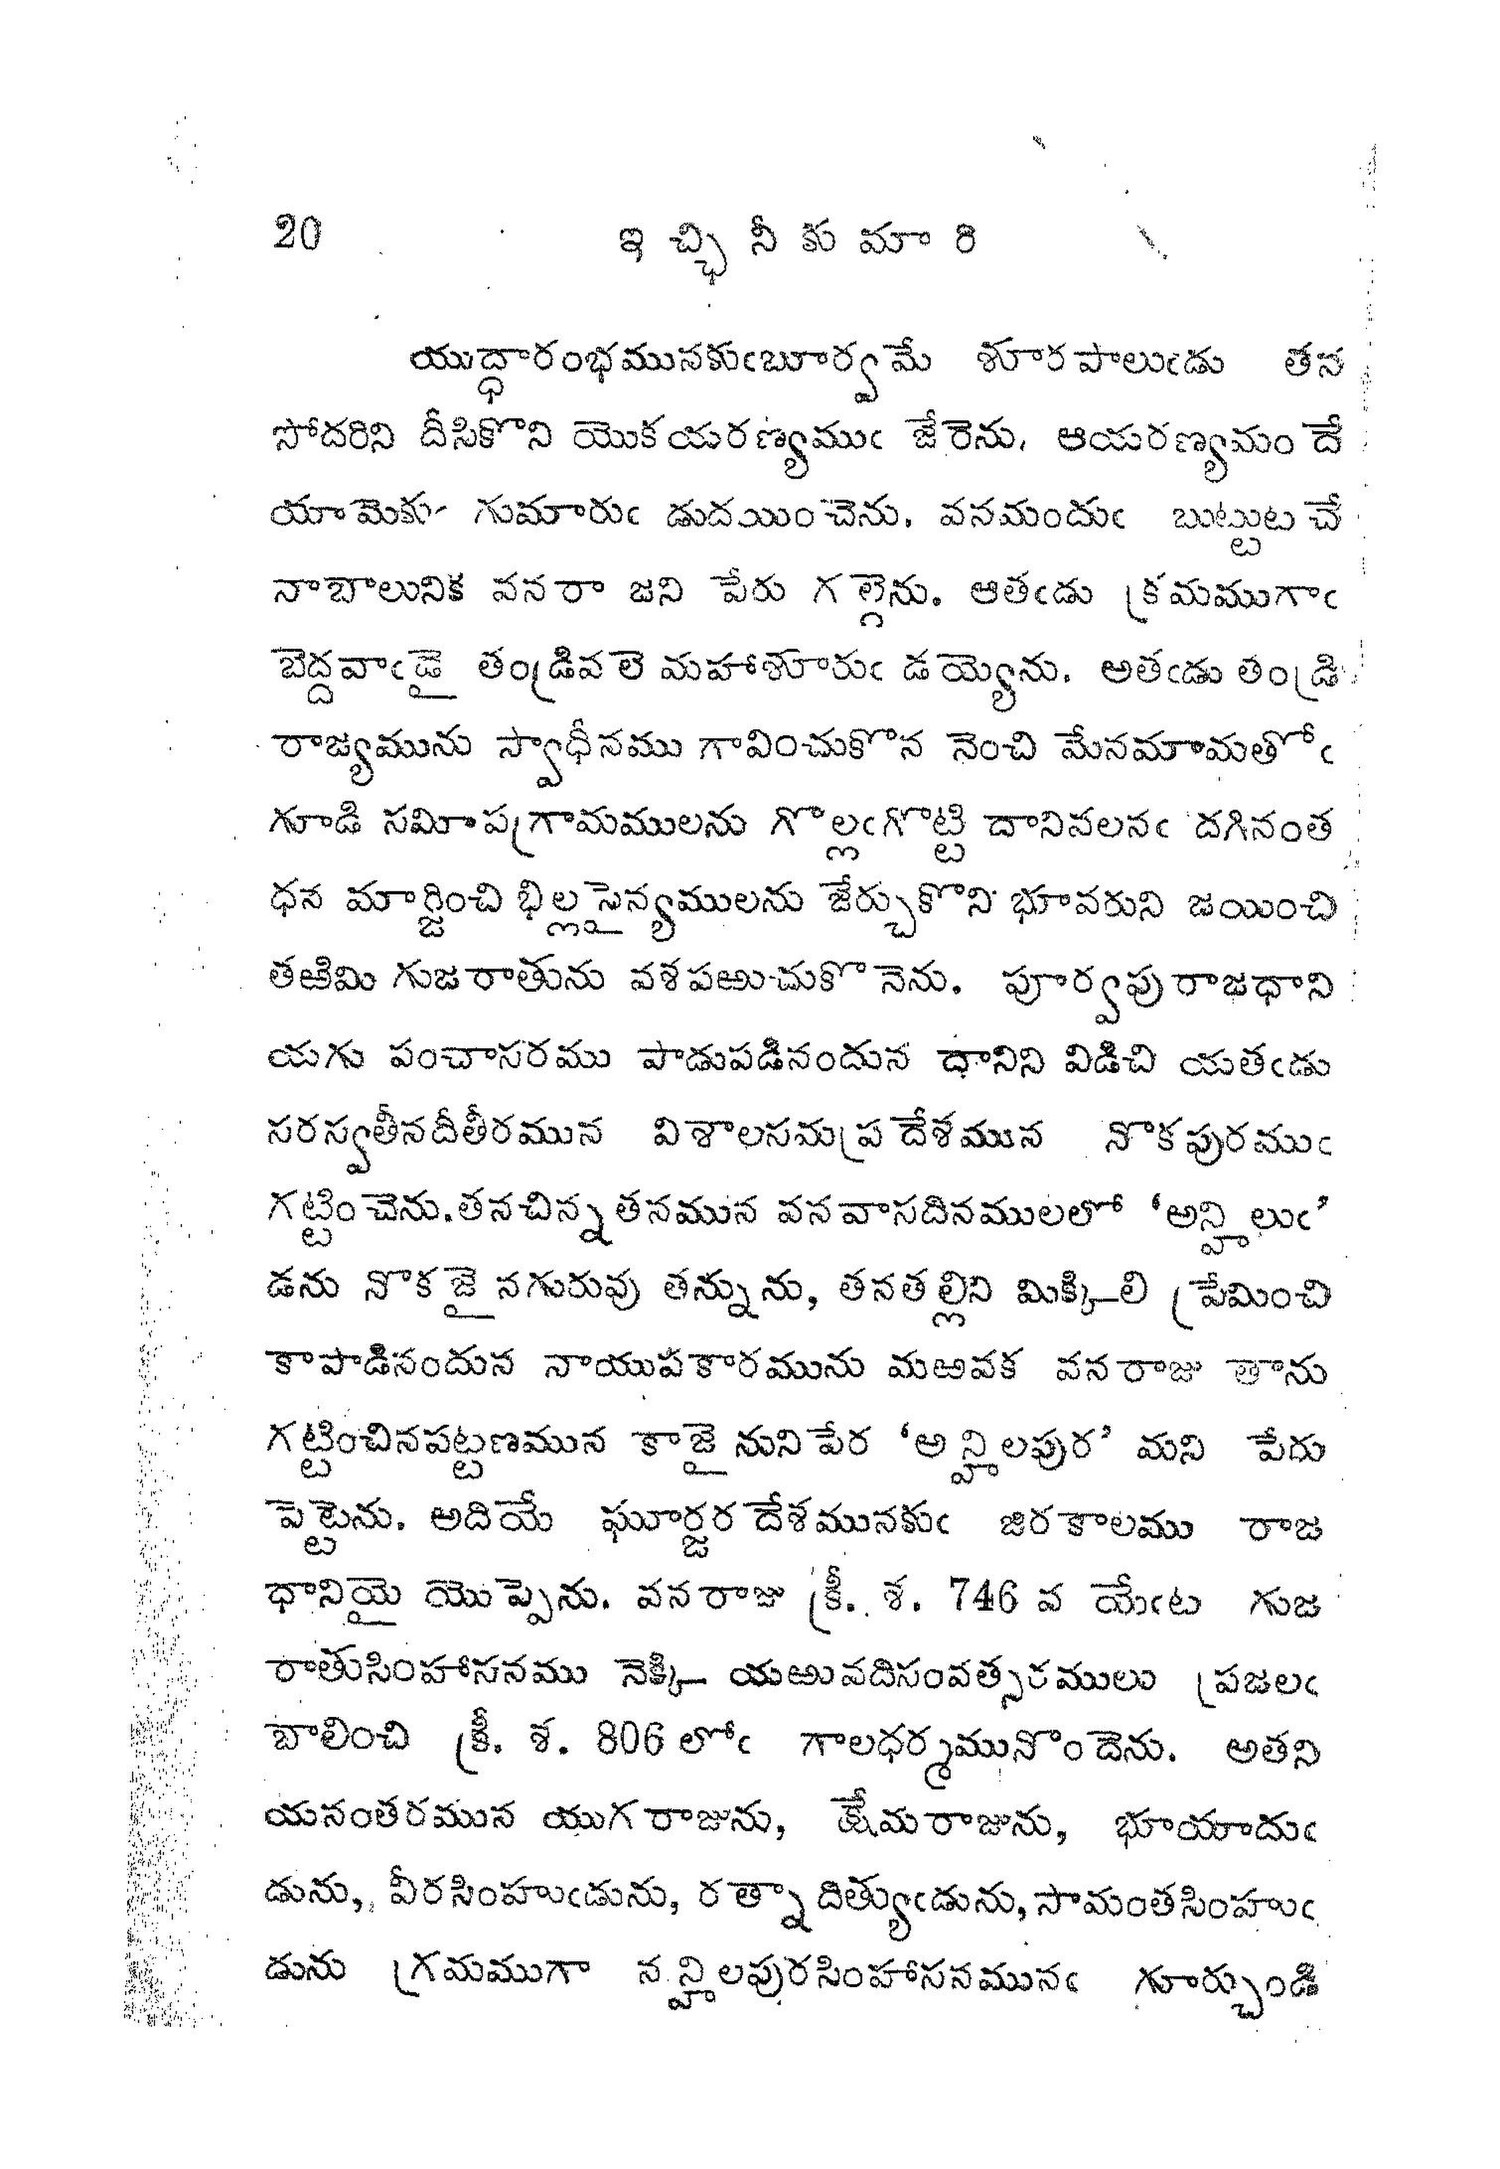గూడి యుద్ధారంభమునకుఁ బూర్వమేమే శూరపాలుడు తన సోదరిని దీసికొని యొక యరణ్యముఁ జేరెను. ఆయరణ్యమందే యామెకు- గుమారుఁ డుదయిం చెను, వనమందుఁ బుట్టుట చే నాబాలునికి వన రాజని పేరు గల్లెను. ఆతఁడు క్రమముగాఁ బెద్దవాఁడై తండ్రివలె మహాశూరుఁ డయ్యెను. అతఁడు తండ్రి రాజ్యమును స్వాధీనము గావించుకొన నెంచి మేనమామతో, సమీప గ్రామములను గొల్లఁ గొట్టి దానినలనఁ దగినంత ధన మార్జించి ఖిల్ల సైన్యములను జేర్చుకొని భూవరుని జయించి తజిమి గుజరాతును వశ పఱుచుకొనెను. పూర్వపు రాజధాని యగు పంచాసరము పాడుపడినందున దానిని విడిచి యతఁడు సరస్వతీ నదీతీరమున విశాలసమ ప్రదేశమున నొక పురముఁ గట్టించెను.తనచిన్న తనమున వన వాసదినములలో 'అస్ట్రేలుఁ' డను నొక జైనగురువు తన్నును, తనతల్లిని మిక్కిలి ప్రేమించి కాపొడినందున నాయుపకారమును మఱవక వన రాజు తాను గట్టించిన పట్టణమున కాజైనుని పేరు 'అనిలపుర' మని పేరు పెట్టెను. అదియే ఘూర్జర దేశమునకుఁ జిర కాలము రాజ ధానియై యొ ప్పెను. వన రాజు క్రీ. శ. 746 వ యేఁట గుజ రాతుసింహాసనము నెక్కి యఱువది సంవత్సరములు ప్రజలఁ బాలించి క్రీ. శ. 806 లో గాలధర్మమునొందెను. అతని యనంతరమున యుగ రాజును, క్షేమ రాజును, భూయాదుఁ డును, వీరసింహుఁడును, రత్నాదిత్యుఁడును, సామంత సింహుఁ డును గ్రమముగా నన్షిలవుర సింహాసనమునఁ గూర్చుండి